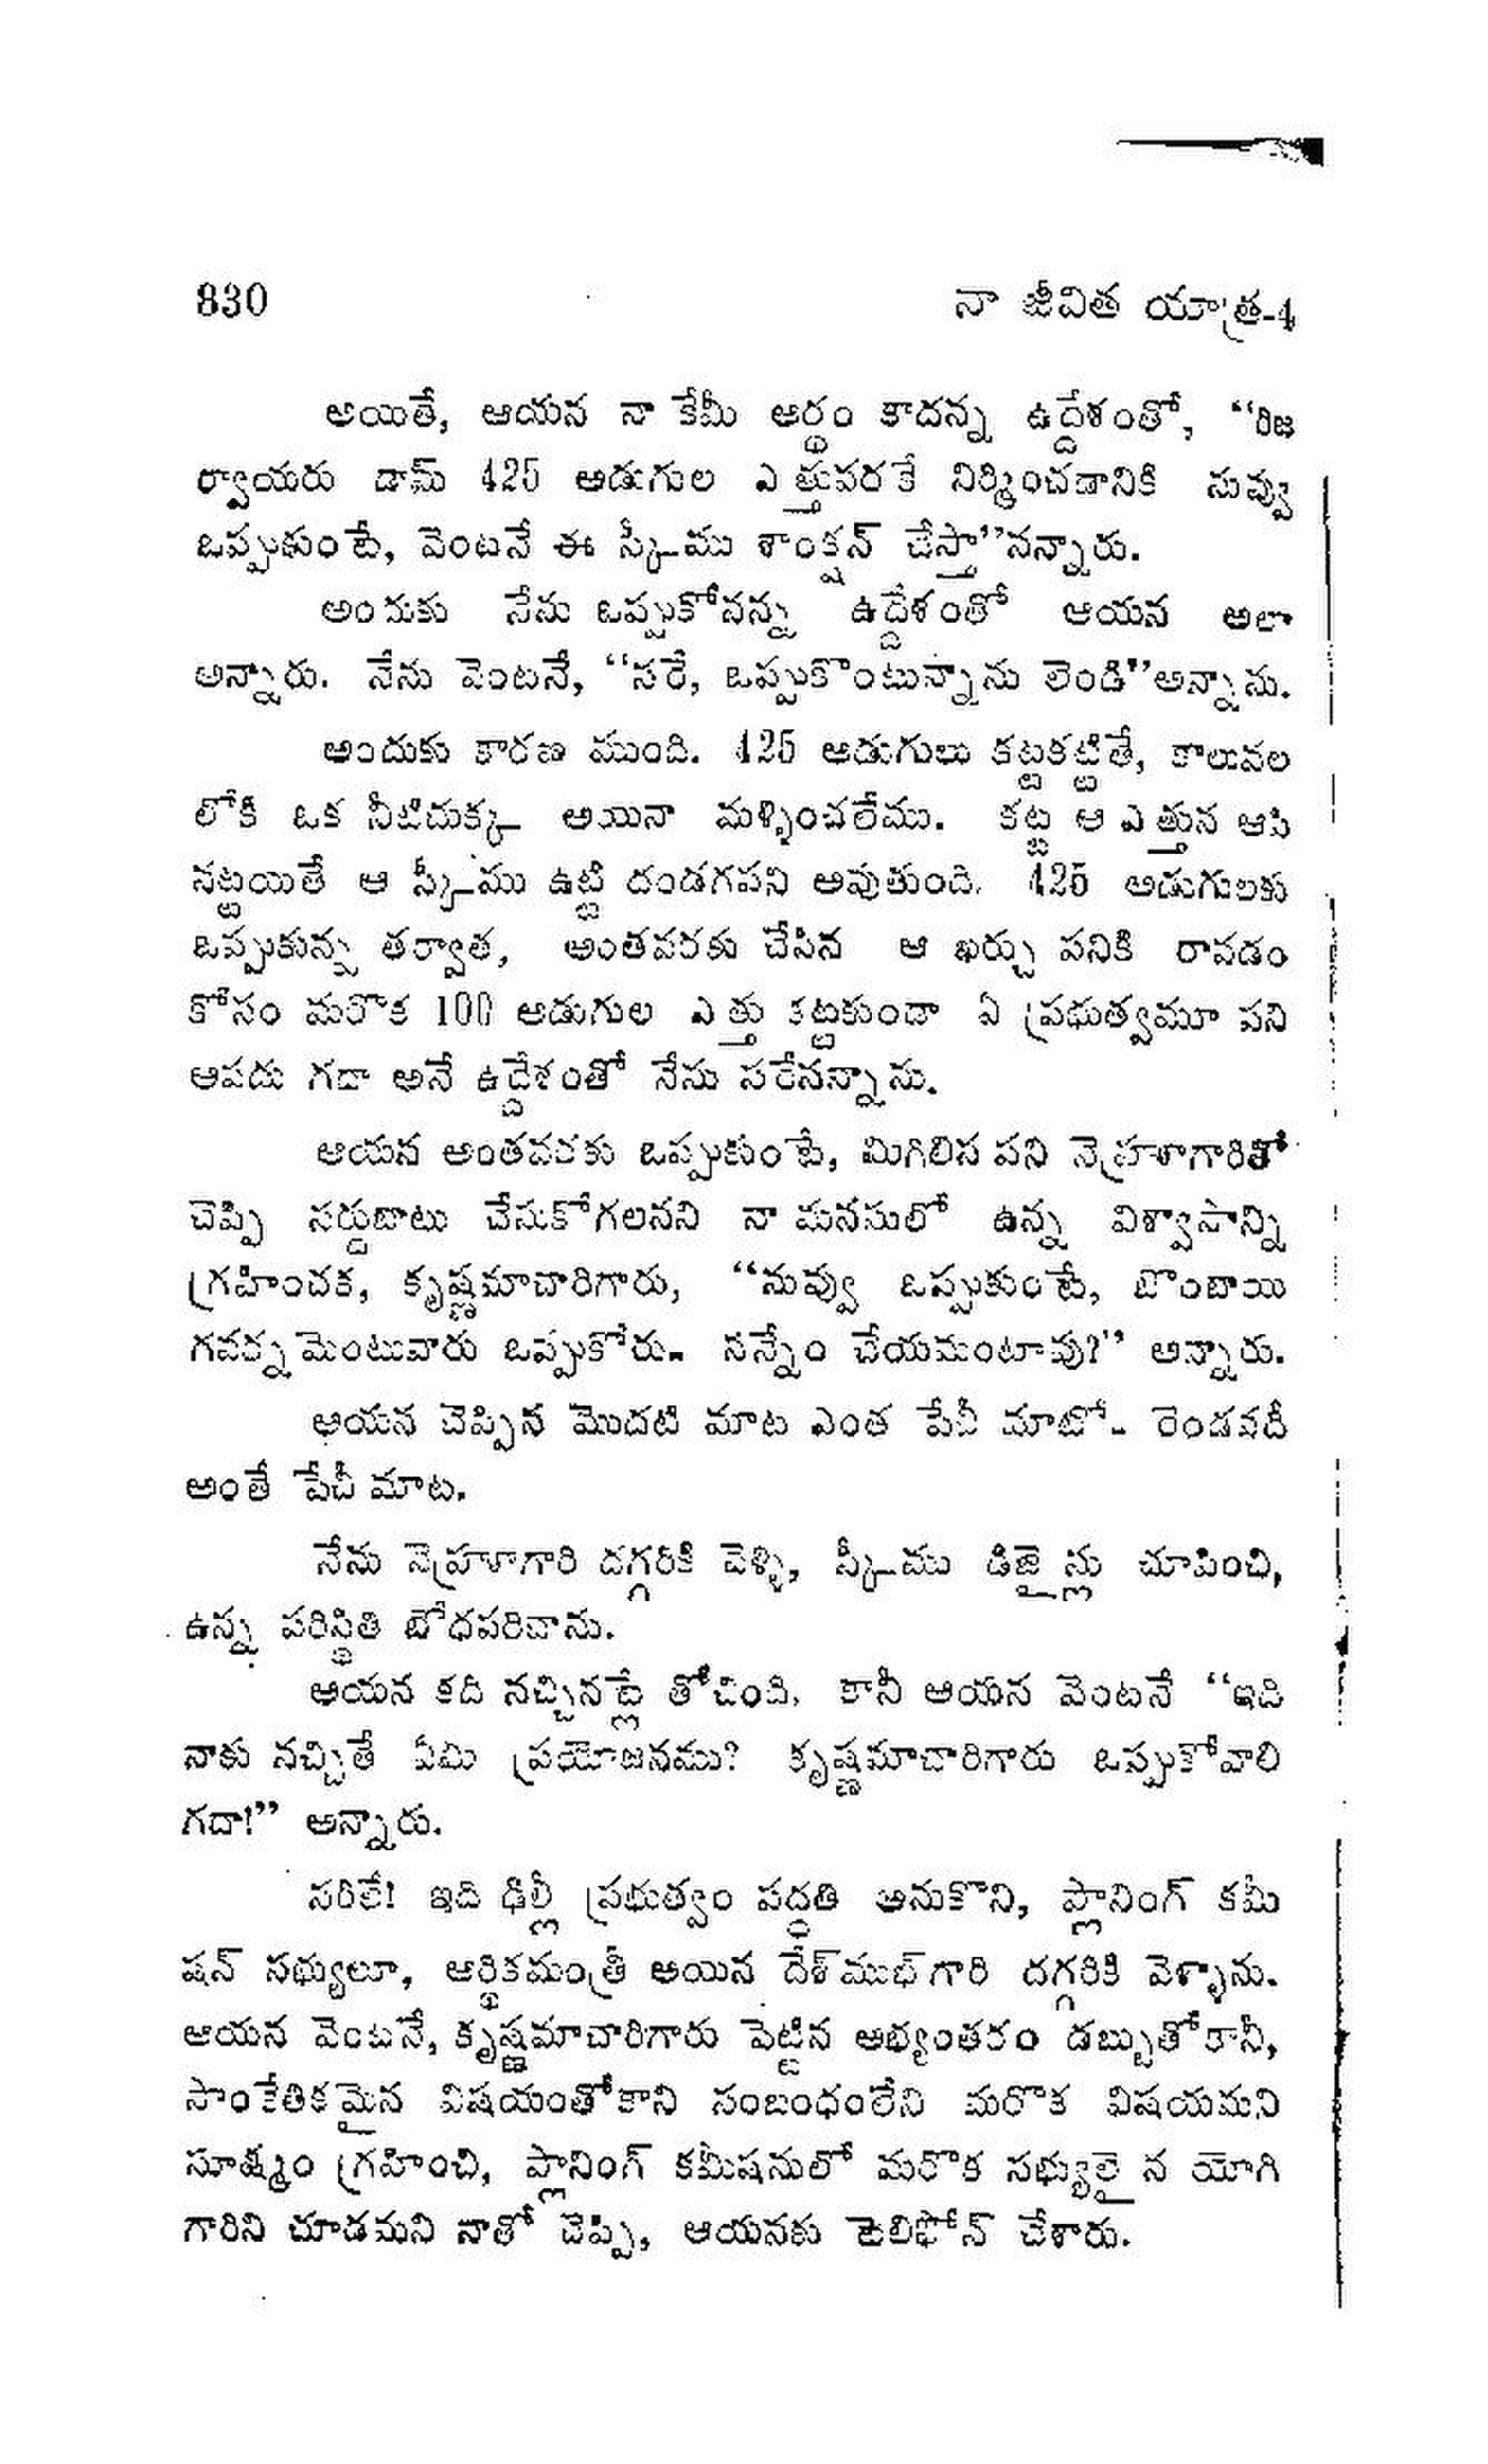అయితే, ఆయన నా కేమి అర్థం కాదన్న ఉద్దేశంతో, "రిజర్వాయరు డామ్ 425 అడుగుల ఎత్తువరకే నిర్మించడానికి నువ్వు ఒప్పుకుంటే, వెంటనే ఈ స్కీము శాంక్షన్ చేస్తా"నన్నారు.

అందుకు నేను ఒప్పుకోనన్న ఉద్దేశంతో ఆయన అలా అన్నారు. నేను వెంటనే, "సరే, ఒప్పుకొంటున్నాను లెండి" అన్నాను.

అందుకు కారణ ముంది. 425 అడుగులు కట్టకట్టితే, కాలువలలోకి ఒక నీటిచుక్క అయినా మళ్ళించలేము. కట్ట అ ఎత్తున ఆపినట్టయితే ఆ స్కీము ఉట్టి దండగపని అవుతుంది. 425 అడుగులకు ఒప్పుకున్న తర్వాత, అంతవరకు చేసిన ఆ ఖర్చు పనికి రావడంకోసం మరొక 100 అడుగుల ఎత్తు కట్టకుండా ఏ ప్రభుత్వమూ పని ఆపదు గదా అనే ఉద్దేశంతో నేను సరేనన్నాను.

ఆయన అంతవరకు ఒప్పుకుంటే, మిగిలిన పని నెహ్రూగారితో చెప్పి సర్దుబాటు చేసుకోగలనని నా మనసులో ఉన్న విశ్వాసాన్ని గ్రహించక, కృష్ణమాచారిగారు, "నువ్వు ఒప్పుకుంటే, బొంబాయి గవర్నమెంటువారు ఒప్పుకోరు - నన్నేం చేయమంటావు?" అన్నారు.

ఆయన చెప్పిన మొదటి మాట ఎంత పేచీ మాటో - రెండవదీ అంతే పేచీ మాట.

నేను నెహ్రూగారి దగ్గరికి వెళ్ళి, స్కీము డిజైన్లు చూపించి, ఉన్న పరిస్థితి బోధపరిచాను.

ఆయన కది నచ్చినట్లే తోచింది. కానీ ఆయన వెంటనే "ఇది నాకు నచ్చితే ఏమి ప్రయోజనము? కృష్ణమాచారిగారు ఒప్పుకోవాలి గదా!" అన్నారు.

సరిలే! ఇది ఢిల్లీ ప్రభుత్వం పద్ధతి అనుకొని, ప్లానింగ్ కమీషన్ సభ్యులూ, ఆర్థికమంత్రీ అయిన దేశ్‌ముఖ్‌గారి దగ్గరికి వెళ్ళాను. ఆయన వెంటనే, కృష్ణమాచారిగారు పెట్టిన అభ్యంతరం డబ్బుతోకానీ, సాంకేతికమైన విషయంతోకాని సంబంధంలేని మరొక విషయమని సూక్ష్మం గ్రహించి, ప్లానింగ్ కమీషనులో మరొక సభ్యులైన యోగి గారిని చూడమని నాతో చెప్పి, ఆయనకు టెలిఫోన్ చేశారు.